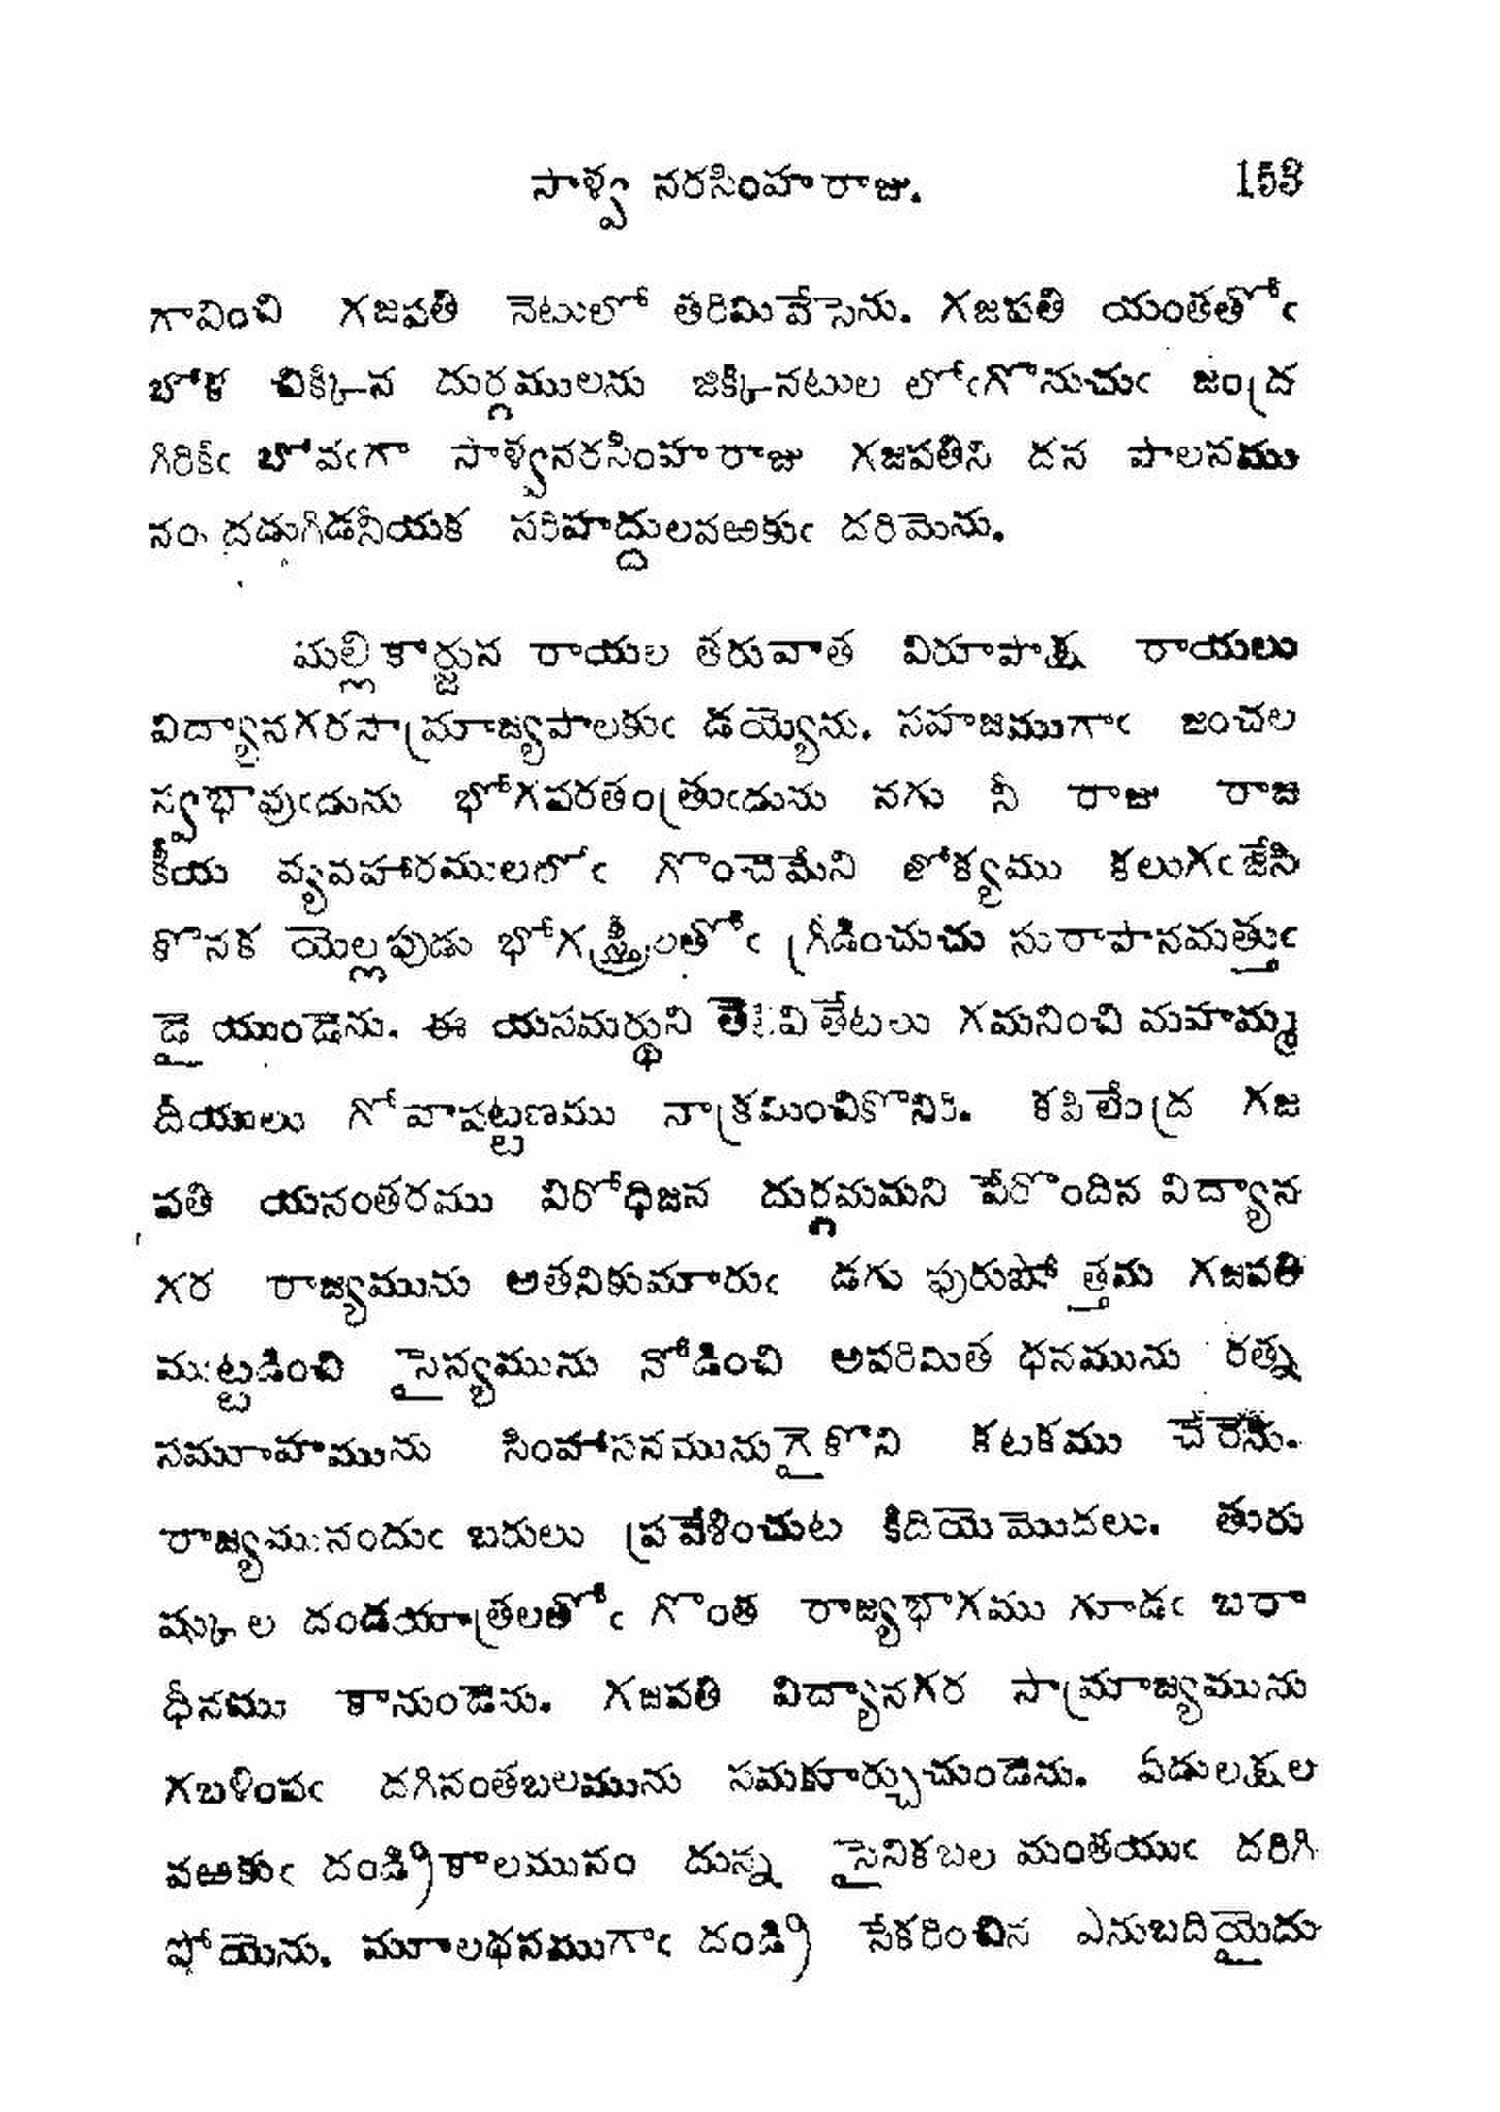గావించి గజపతి నెటులో తరిమివేసెను. గజపతి యంతతో బోళ చిక్కిన దుర్గములను జిక్కినటుల లోగొనుచు జంద్రగిరికి బోవగా సాళ్వనరసింహరాజు గజపతిని దన పాలనమునం దడుగిడనీయక సరిహద్దులవఱకు దరిమెను.

మల్లికార్జున రాయల తరువాత విరూపాక్ష రాయలు విద్యానగర సామ్రాజ్యపాలకు డయ్యెను. సహజముగా జంచల స్వభావుడును భోగపరతంత్రుడును నగు నీ రాజు రాజకీయ వ్యవహారములలో గొంచెమేని జోక్యము కలుగజేసి కొనక యెల్లపుడు భోగస్త్రీలతో గ్రీడించుచు సురాపానమత్తుడై యుండెను. ఈ యసమర్థుని తెలివితేటలు గమనించి మహమ్మదీయులు గోవాపట్టణము నాక్రమించికొనిరి. కపిలేంద్ర గజపతి యనంతరము విరోధిజన దుర్గమమని పేరొందిన విద్యానగర రాజ్యమును అతనికుమారు డగు పురుషోత్తమ గజపతి ముట్టడించి సైన్యమును నోడించి అపరిమిత ధనమును రత్న సమూహమును సింహాసనమునుగైకొని కటకము చేరెను. రాజ్యమునందు బరులు ప్రవేశించుట కిదియెమొదలు. తురుష్కుల దండయాత్రలతో గొంత రాజ్యభాగము గూడ బరాధీనము కానుండెను. గజపతి విద్యానగర సామ్రాజ్యమును గబళింప దగినంతబలమును సమకూర్చుచుండెను. ఏడులక్షల వఱకు దండ్రికాలమునం దున్న సైనికబల మంతయు దరిగిపోయెను. మూలధనముగా దండ్రి సేకరించిన ఎనుబదియైదు